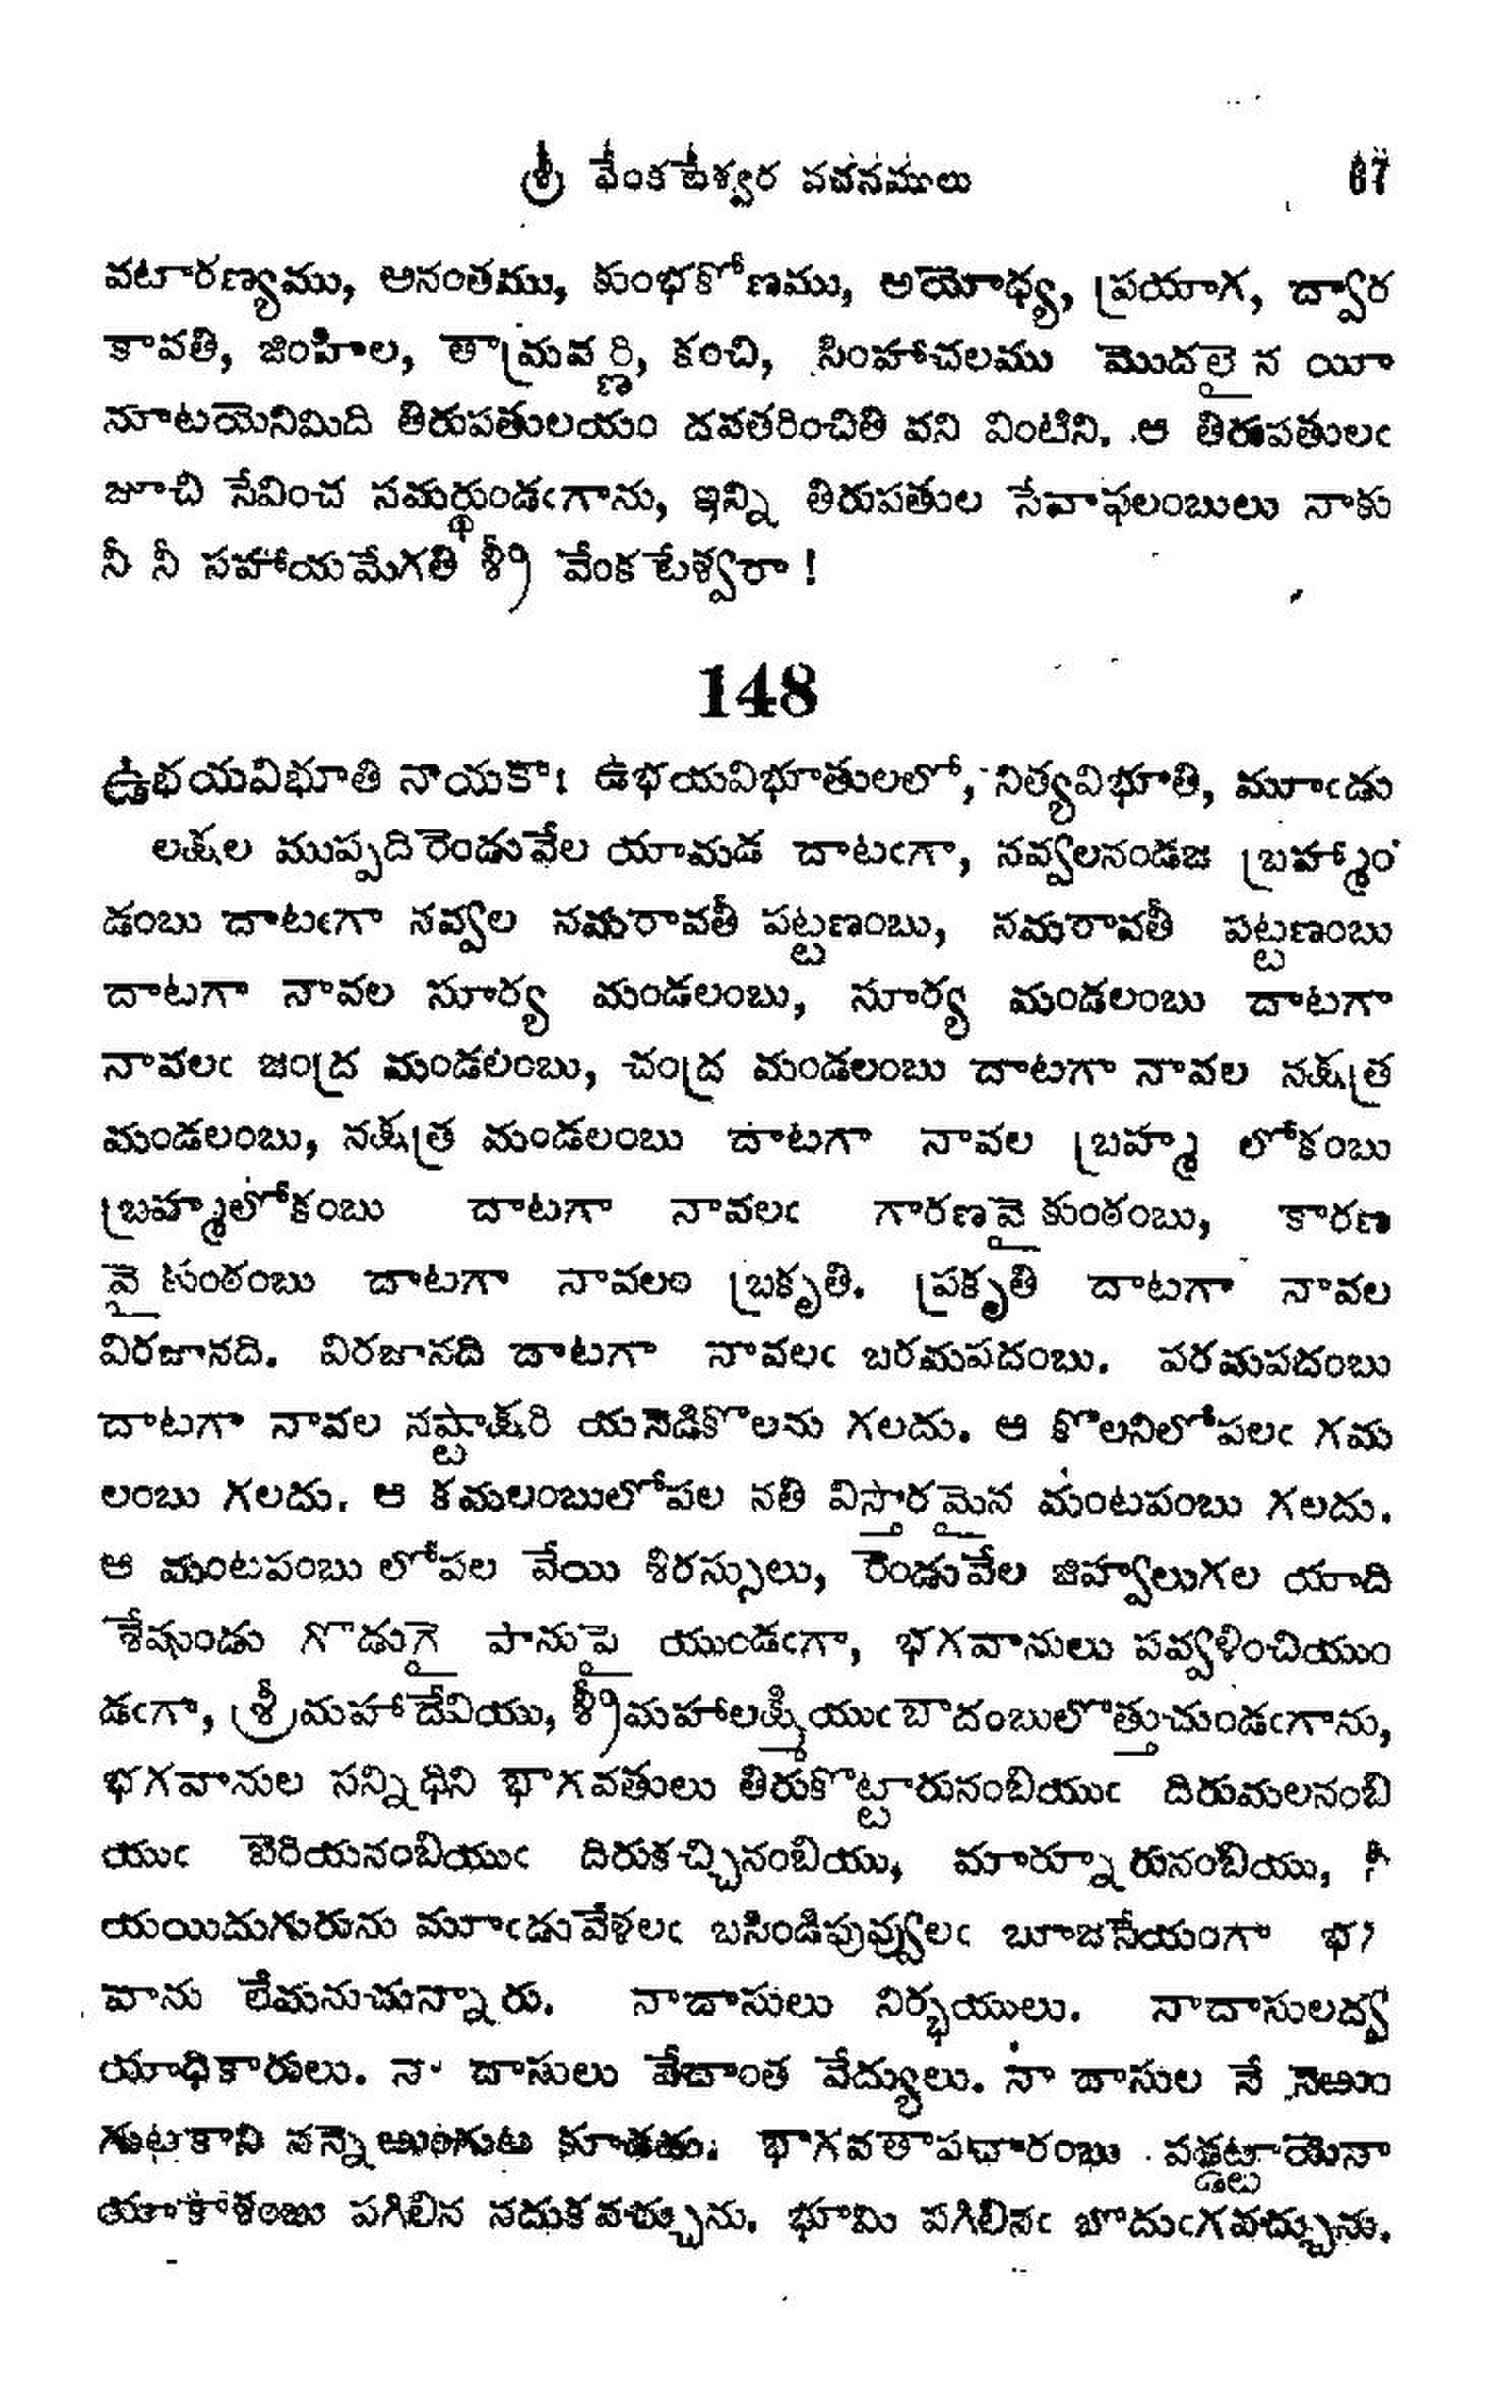వటారణ్యము, అనంతము, కుంభకోణము, అయోధ్య, ప్రయాగ, ద్వార కావతి, జింహిల, తామ్రవర్తి, కంచి, సింహాచలము 'మొదలైన యీ నూటయెనిమిది తిరుపతులయం దవతరించితి వని వింటిని. ఆ తిరపతులఁ జూచీ సేవించ సమర్ధుండఁగాను, ఇన్ని తిరుపతుల సేవాఫలంబులు నాకు నీ నీ సహాయమేగతి శ్రీ వేంకటేశ్వరా !

148 

! ఉభయవిభూతులలో, నిత్యవిభూతి, మూఁడు
లక్షల ముప్పది రెండు వేల యామడ దాటఁగా, నవ్వలనండజ బ్రహ్మాం' డంబు దాటఁగా నవ్వల నమరావతీ పట్టణంబు, నమరావతీ పట్టణంబు దాటగా నావల సూర్య మండలంబు, సూర్య మండలంబు దాటగా నావలఁ జంద్ర మండలంబు, చంద్ర మండలంబు దాటగా నావల నక్షత్ర మండలంబు, నక్షుత్ర మండలంబు దాటగా నావల బ్రహ్మ లోకంబు బ్రహ్మలోకంబు దాటగా నావలఁ గారణవై కుంఠంబు, కారణ వై కుంఠంబు దాటగా నావలం బ్రకృతి. ప్రకృతి దాటగా నావల విరజూనది. విరజానది దాటగా నావలఁ బరమపదంబు. పరమపదంబు దాటగా నావల నష్టాక్షరి యనెడికొలను గలదు. ఆ కొలనిలోపలఁ గమ లంబు గలదు. ఆ కమలంబులోపల నతి విస్తారమైన మంటపంబు గలదు. ఆ మంటపంబు లోపల వేయి శిరస్సులు, రెండు వేల జిహ్వలుగల యాది శేషుండు గొడుగై పానుపై యుండగా, భగవానులు పవ్వళించియుం డఁగా, శ్రీమహా దేవియు, శ్రీమహాలక్ష్మి యుఁ బాదంబులొత్తుచుండఁగాను, భగవానుల సన్నిధిని భాగవతులు తిరుకొట్టారునంబియుఁ దిరుమలనంబి యుఁ బెరియనంబియుఁ దిరుకచ్చినంబియు, మార్నూరునంబియు, శ్రీ యయిదుగురును మూఁడు వేళలఁ బసిండి పువ్వులఁ బూజసేయంగా భగ వాను లేమనుచున్నారు. నాదాసులు నిర్భయులు. నాదాసులద్వ యాధికారులు. నా దాసులు వేదాంత వేద్యులు. నా దాసుల నే నెఱుంగుట కాని నన్నెఱుంగుట కూడదు., భాగవతాపచారంబు పడ్డట్టాయెనా యాకాశంబు పగిలిన నదుకవచ్చును, భూమి పగిలినఁ బోదుఁగవచ్చును.